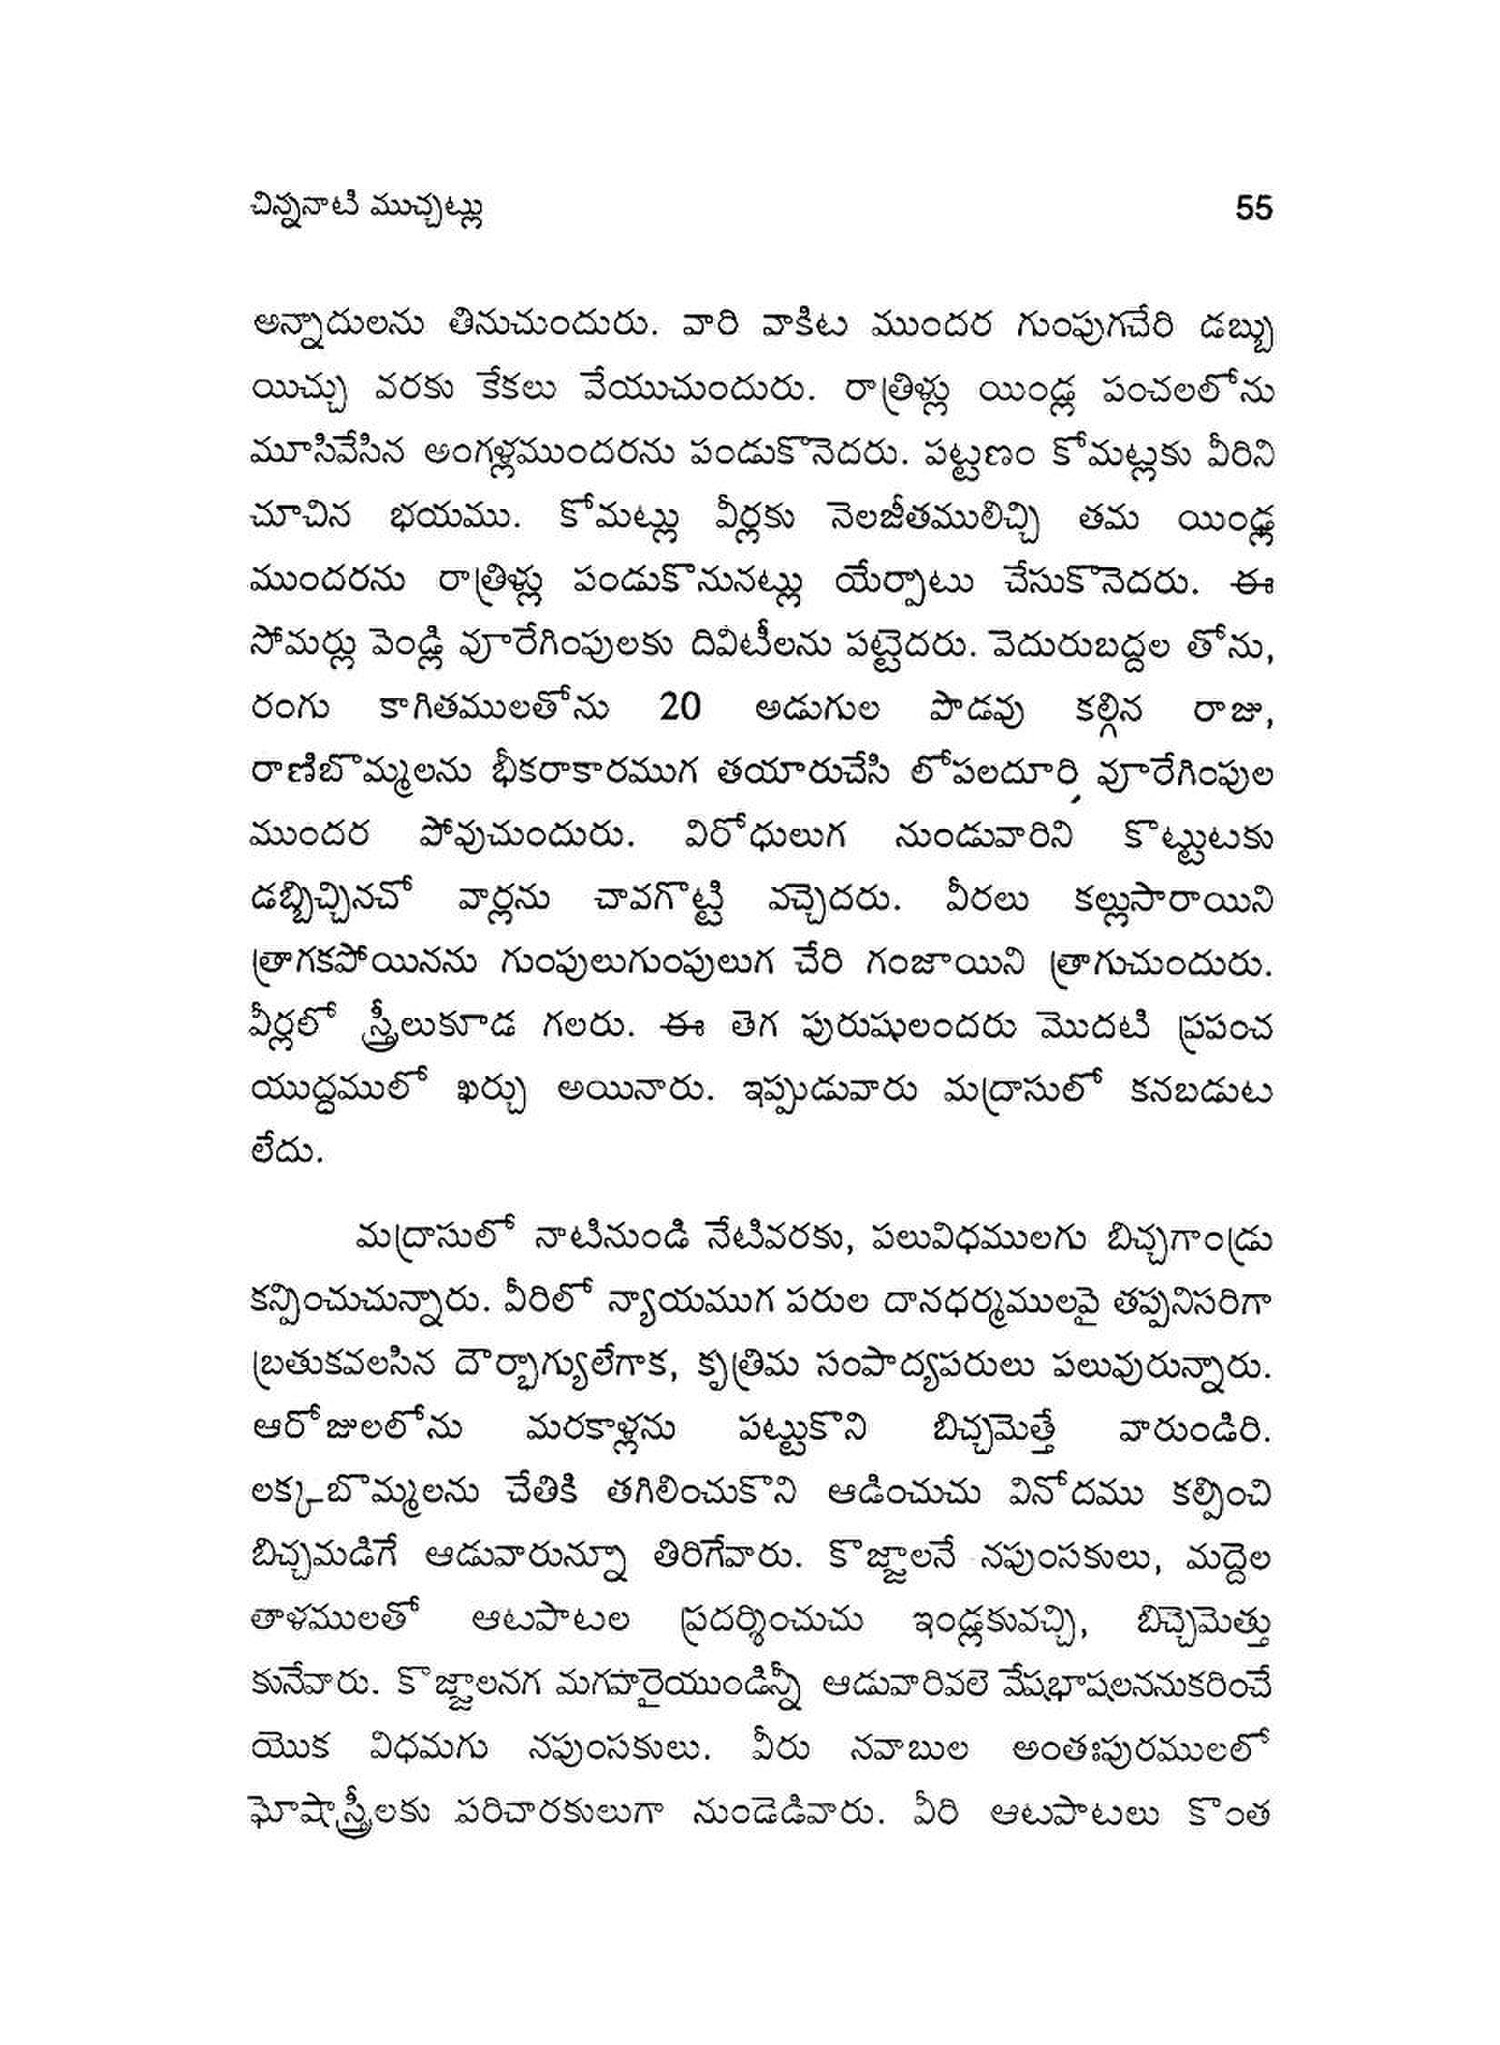అన్నాదులను తినుచుందురు. వారి వాకిట ముందర గుంపుగచేరి డబ్బు యిచ్చు వరకు కేకలు వేయుచుందురు. రాత్రిళ్లు యిండ్ల పంచలలోను మూసివేసిన అంగళ్లముందరను పండుకొనెదరు. పట్టణం కోమట్లకు వీరిని చూచిన భయము. కోమట్లు వీర్లకు నెలజీతములిచ్చి తమ యిండ్ల ముందరను రాత్రిళ్లు పండుకొనునట్టు యేర్పాటు చేసుకొనెదరు. ఈ సోమర్లు పెండ్లి వూరేగింపులకు దివిటీలను పట్టెదరు. వెదురుబద్దల తోను, రంగు కాగితములతోను 20 అడుగుల పొడవు కల్గిన రాజు, రాణిబొమ్మలను భీకరాకారముగ తయారుచేసి లోపలదూరి వూరేగింపుల ముందర పోవుచుందురు. విరోధులుగ నుండువారిని కొట్టుటకు డబ్బిచ్చినచో వార్లను చావగొట్టి వచ్చెదరు. వీరలు కల్లుసారాయిని త్రాగకపోయినను గుంపులుగుంపులుగ చేరి గంజాయిని త్రాగుచుందురు. వీర్లలో స్త్రీలుకూడ గలరు. ఈ తెగ పురుషులందరు మొదటి ప్రపంచ యుద్ధములో ఖర్చు అయినారు. ఇప్పడువారు మద్రాసులో కనబడుట లేదు.

మద్రాసులో నాటినుండి నేటివరకు, పలువిధములగు బిచ్చగాండ్రు కన్పించుచున్నారు. వీరిలో న్యాయముగ పరుల దానధర్మములపై తప్పనిసరిగా బ్రతుకవలసిన దౌర్భాగ్యులేగాక, కృత్రిమ సంపాద్యపరులు పలువురున్నారు. ఆరోజులలోను మరకాళ్లను పట్టుకొని బిచ్చమెత్తే వారుండిరి. లక్కబొమ్మలను చేతికి తగిలించుకొని ఆడించుచు వినోదము కల్పించి బిచ్చమడిగే ఆడువారున్నూ తిరిగేవారు. కొజ్జాలనే నపుంసకులు, మద్దెల తాళములతో ఆటపాటల ప్రదర్శించుచు ఇండ్లకువచ్చి, బిచ్చెమెత్తు కునేవారు. కొజ్జాలనగ మగవారైయుండిన్నీ ఆడువారివలె వేషభాషలననుకరించే యొక విధమగు నపుంసకులు. వీరు నవాబుల అంతఃపురములలో ఘోషాస్త్రీలకు పరిచారకులుగా నుండెడివారు. వీరి ఆటపాటలు కొంత